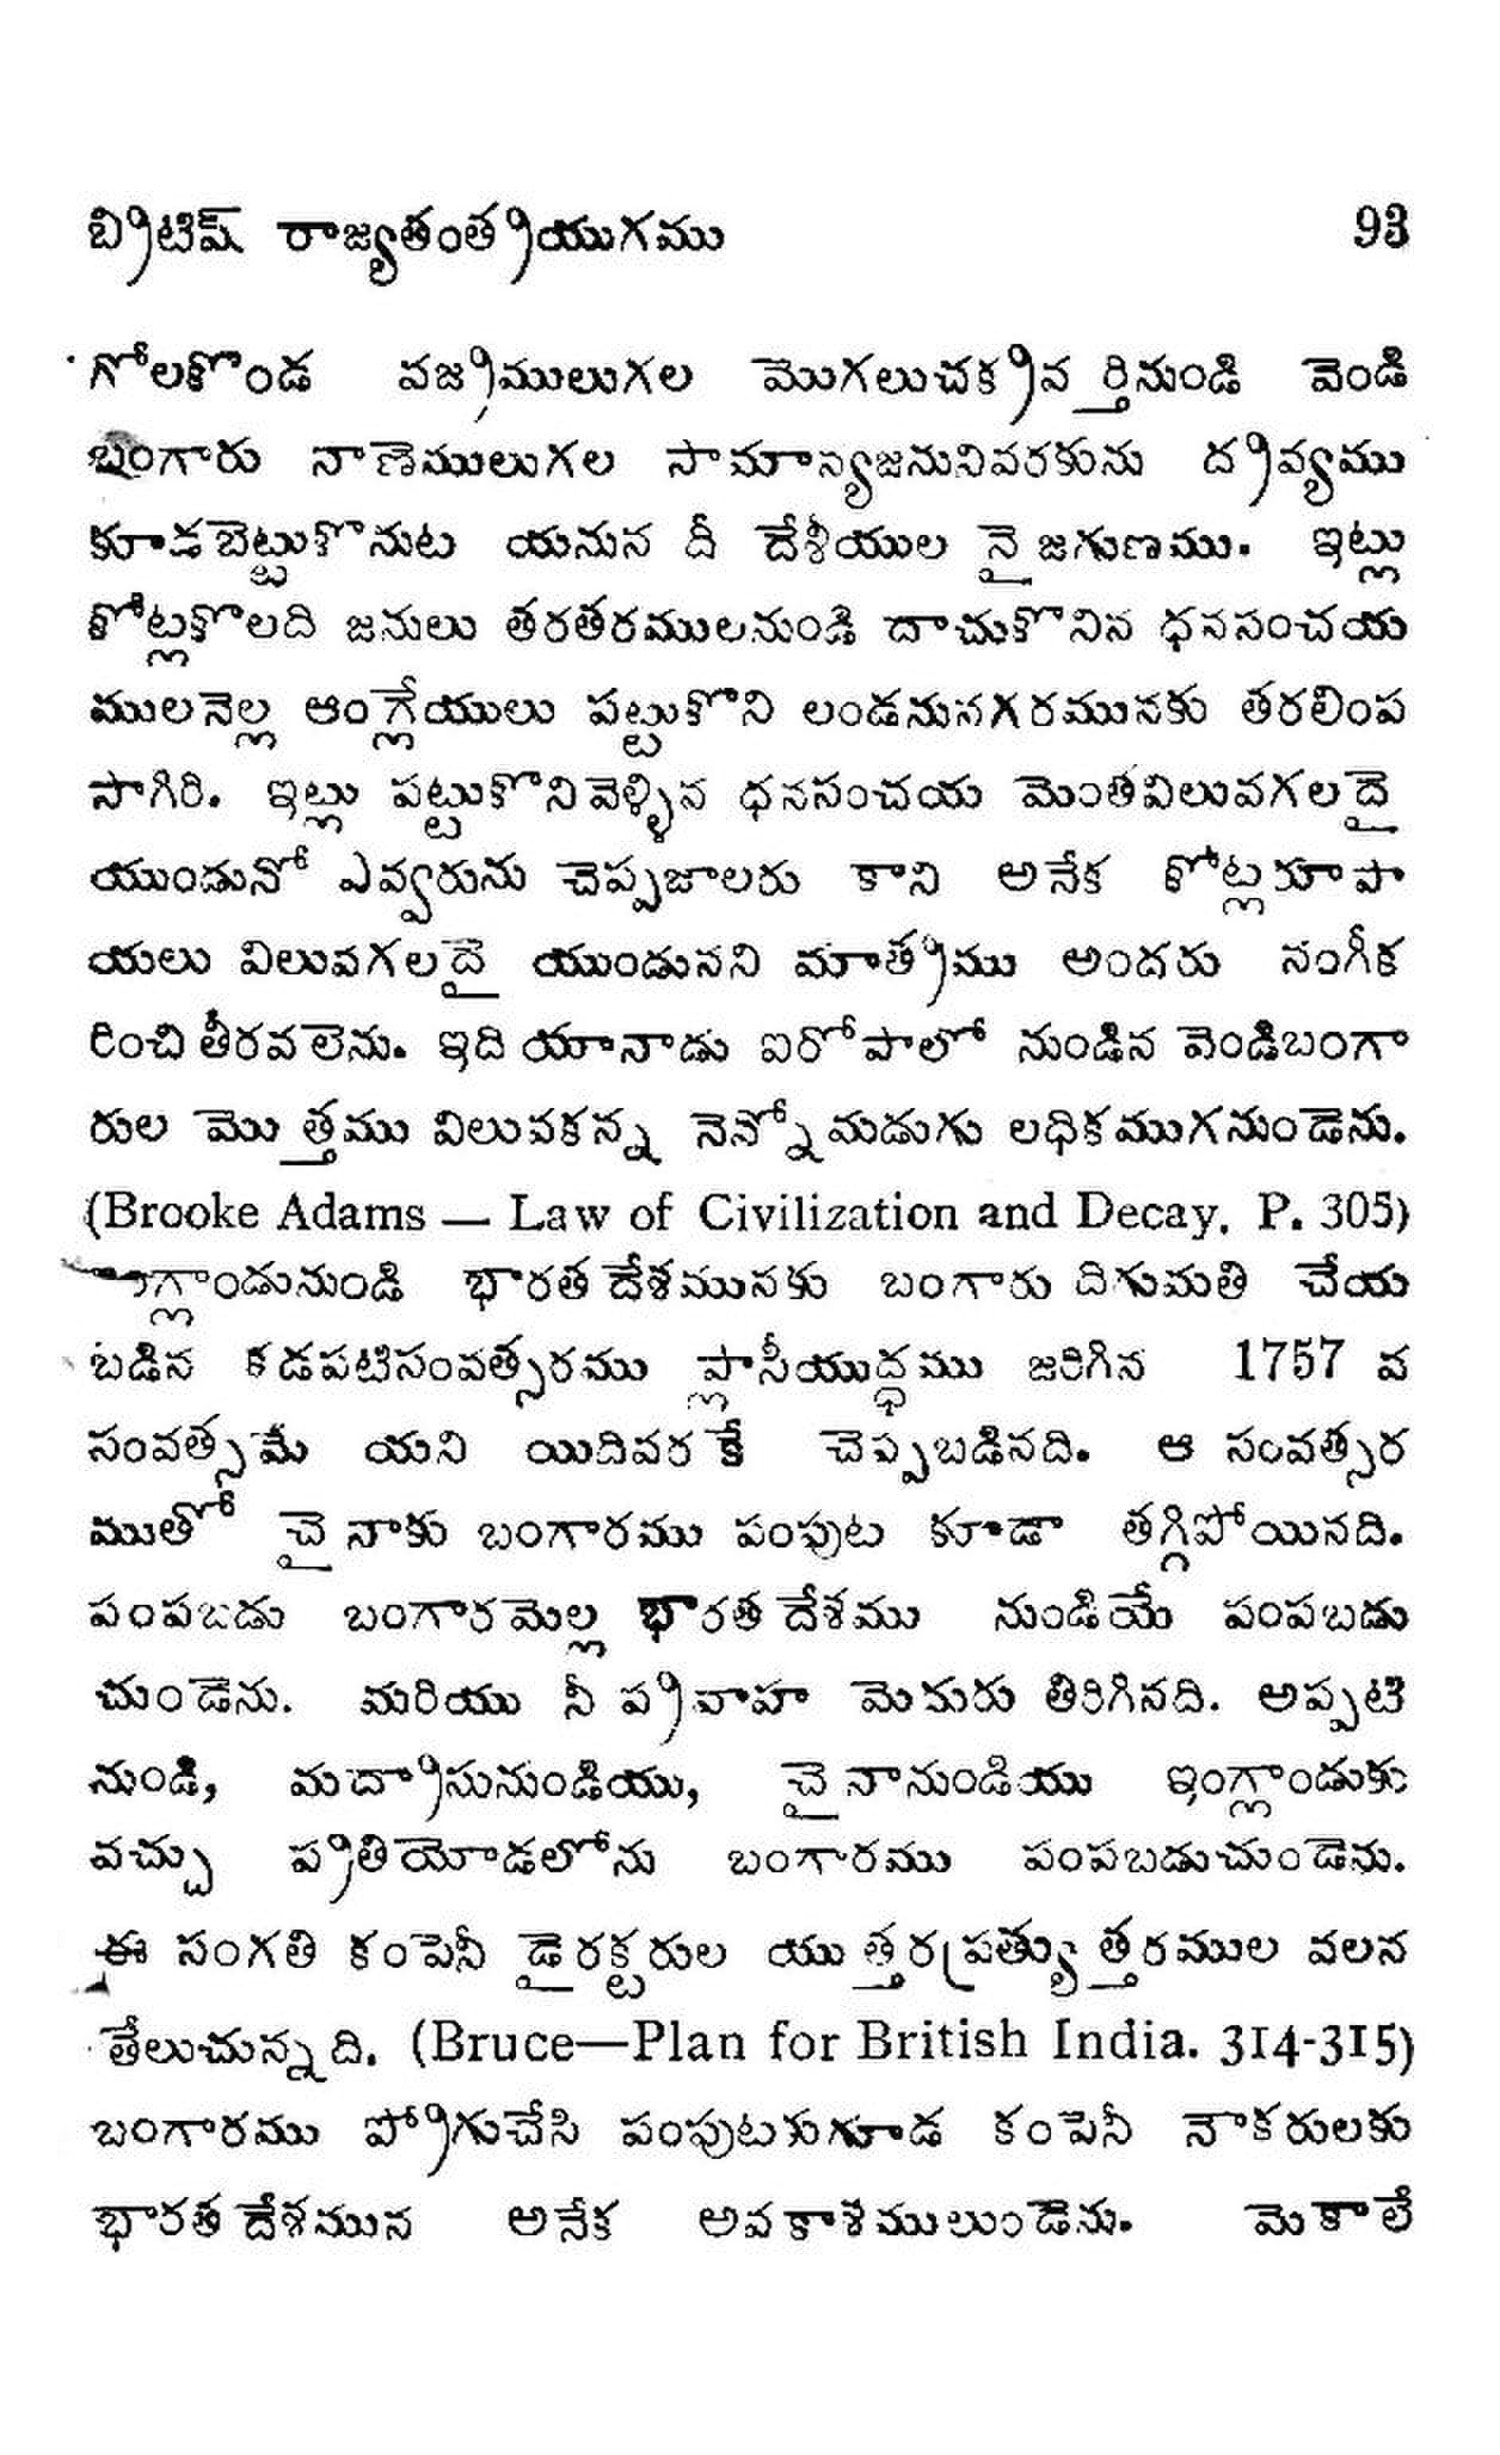గోలకొండ వజ్రములుగల మొగలుచక్రవర్తినుండి వెండి బంగారు నాణెములుగల సామాన్యజనునివరకును ద్రవ్యము కూడబెట్టుకొనుట యనున దీ దేశీయుల నైజగుణము. ఇట్లు కోట్లకొలది జనులు తరతరములనుండి దాచుకొనిన ధనసంచయములనెల్ల ఆంగ్లేయులు పట్టుకొని లండనునగరమునకు తరలింపసాగిరి. ఇట్లు పట్టుకొనివెళ్ళిన ధనసంచయ మెంతవిలువగలదై యుండునో ఎవ్వరును చెప్పజాలరు కాని అనేక కోట్లరూపాయలు విలువగలదై యుండునని మాత్రము అందరు నంగీకరించి తీరవలెను. ఇది యానాడు ఐరోపాలో నుండిన వెండిబంగారుల మొత్తము విలువకన్న నెన్నో మడుగు లధికముగనుండెను. (Brooke Adams - Law of Civilization and Decay. P. 305) ఇంగ్లాండునుండి భారతదేశమునకు బంగారు దిగుమతి చేయబడిన కడపటిసంవత్సరము ప్లాసీయుద్ధము జరిగిన 1757 వ సంవత్సరమే యని యిదివరకే చెప్పబడినది. ఆ సంవత్సరముతో చైనాకు బంగారము పంపుట కూడా తగ్గిపోయినది. పంపబడు బంగారమెల్ల భారతదేశము నుండియే పంపబడుచుండెను. మరియు నీ ప్రవాహ మెదురు తిరిగినది. అప్పటి నుండి, మద్రాసునుండియు, చైనానుండియు ఇంగ్లాండుకు వచ్చు. ప్రతియోడలోను బంగారము పంపబడుచుండెను. ఈ సంగతి కంపెనీ డైరక్టరుల యుత్తరప్రత్యుత్తరముల వలన తేలుచున్నది. (Bruce-Plan for British India. 314-315) బంగారము ప్రోగుచేసి పంపుటకుగూడ కంపెనీ నౌకరులకు భారతదేశమున అనేక అవకాశములుండెను. మెకాలే